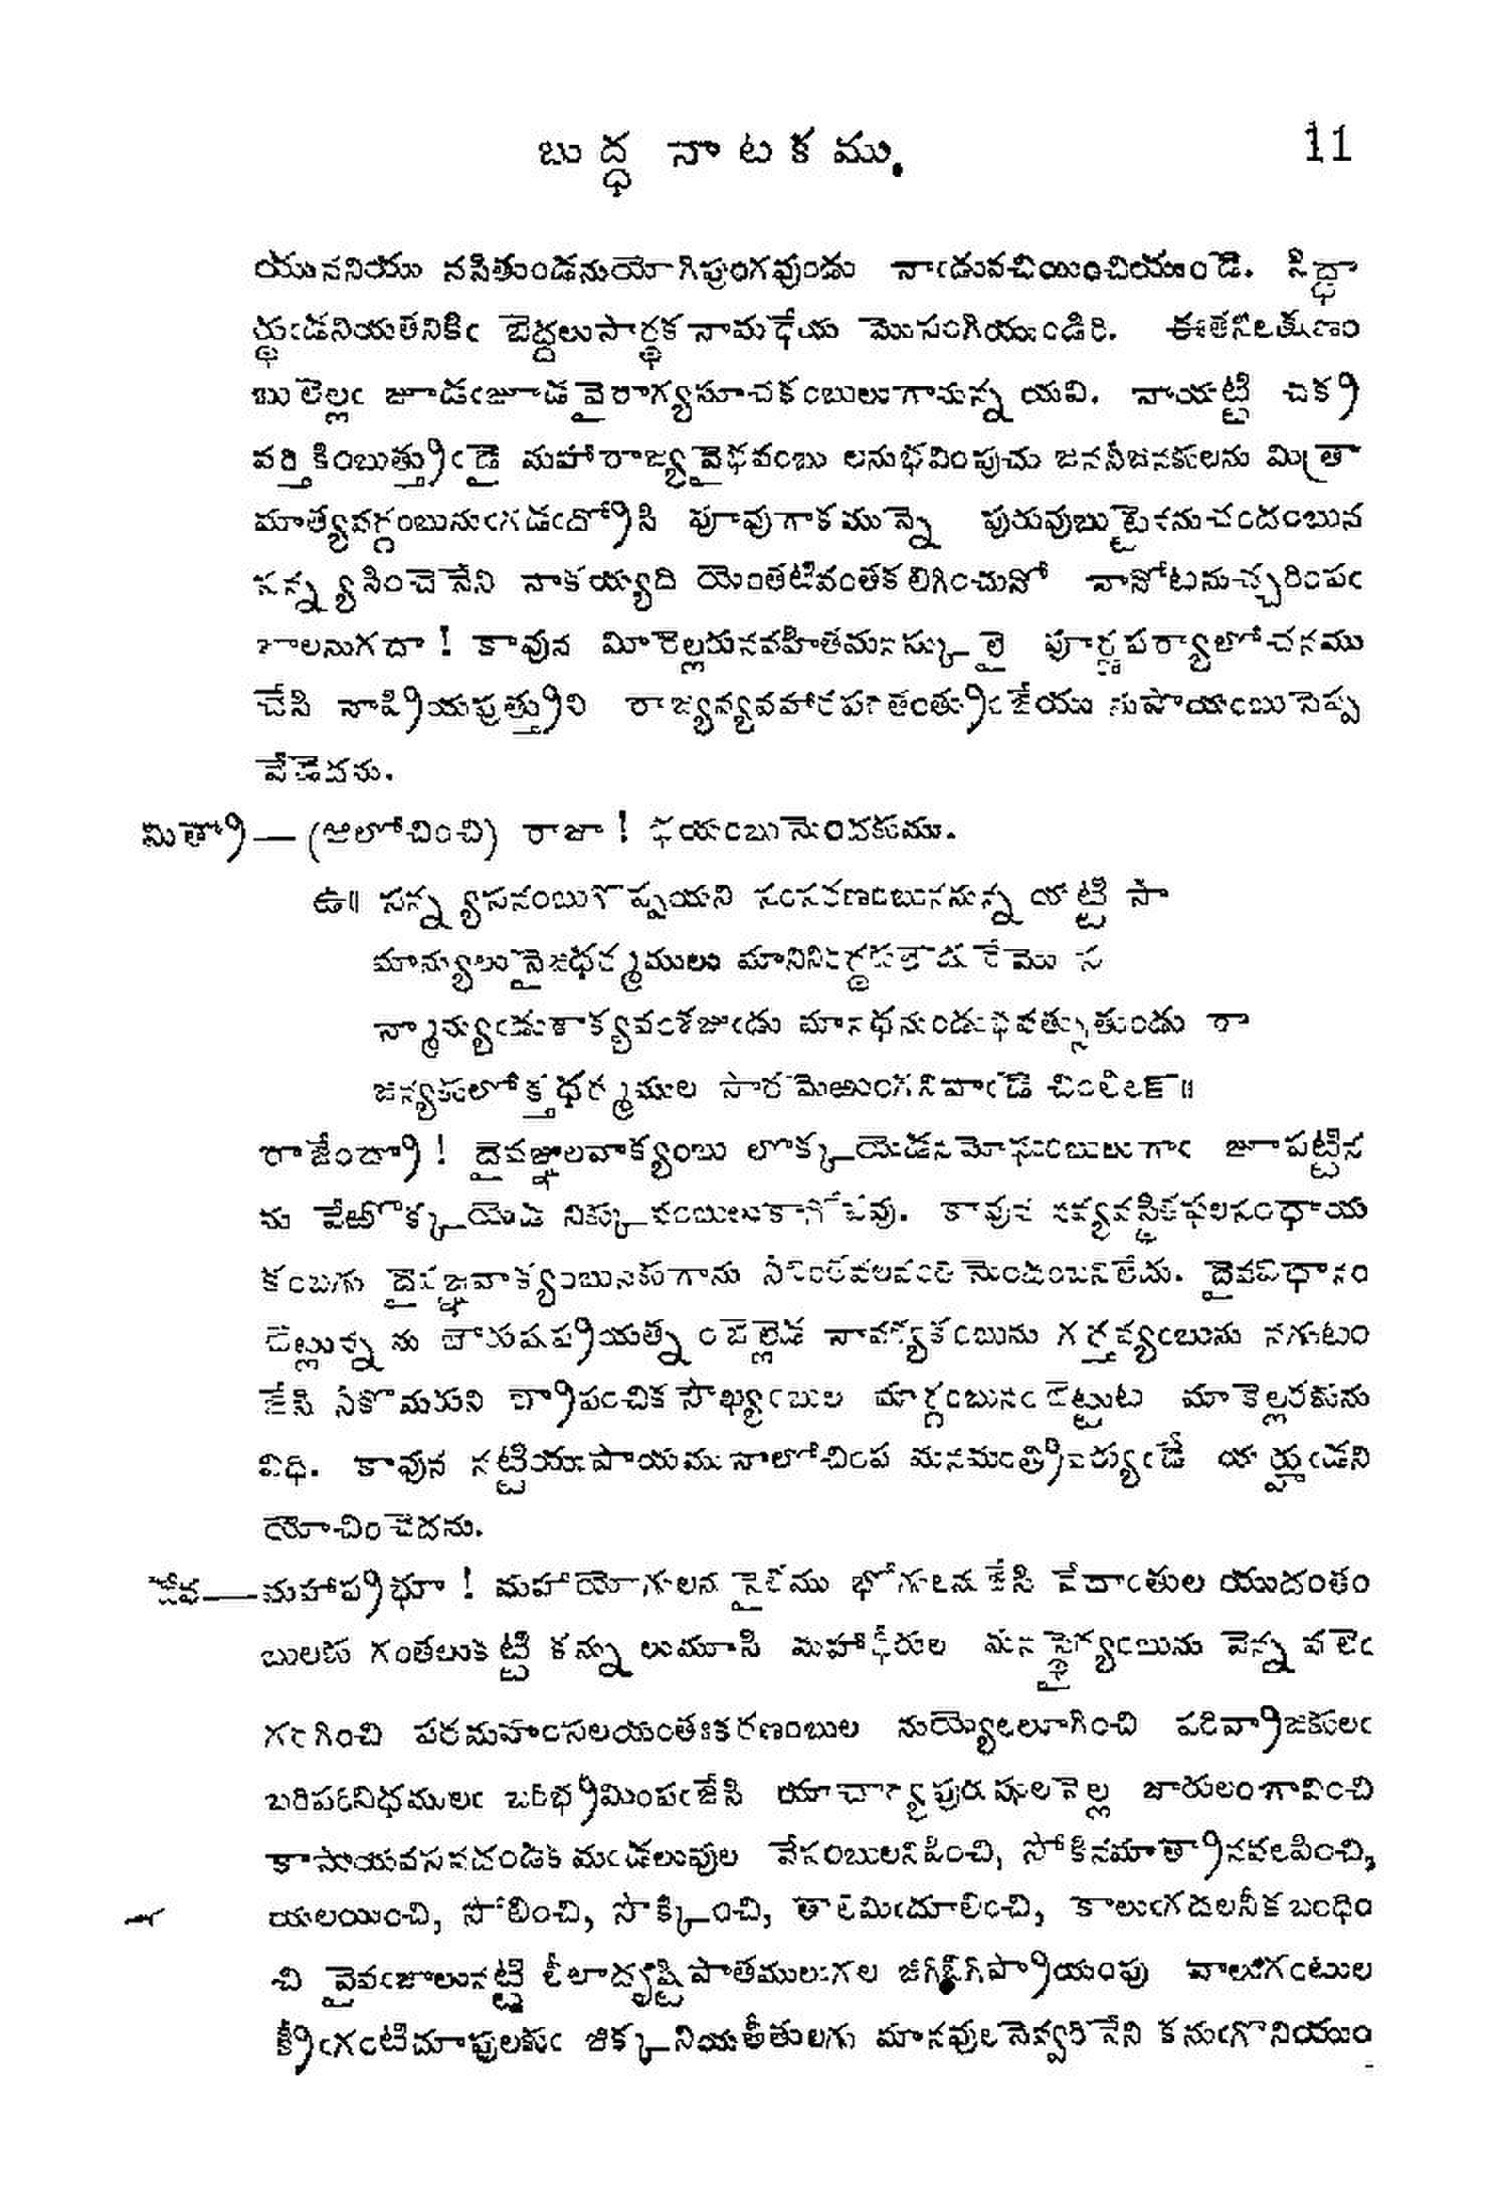యువనియు నసితుండనుయోగిపుంగవుండు నాఁడువచియించియుండె. సిద్ధార్థుఁడనియతనికిఁ బెద్దలుసార్థకనామధేయ మొసంగి యుండిరి. ఈతని లక్షణంబులెల్లఁ జూడఁజూడ వైరాగ్యసూచకంబులుగానున్న యవి. నాయట్టి చక్రవర్తికింబుత్రుఁడై మహారాజ్యవైభవంబులనుభవింపుచు జననీజనకులను మిత్రామాతృవర్గంబునుఁడఁద్రోసి పూపుగాకమున్నె పురువుబుట్టెనను చందంబున సన్న్యసించెనేని నాకయ్యది యెంతటి వంతకలిగించునో వానోటనుచ్చరింపఁజాలను గదా! కావున మీరెల్లరునవహితమనస్కులై పూర్ణపర్యాలోచనము చేసి నాప్రియపుత్రుని రాజ్యవ్యవ హారపరితంత్రుఁజేయు నుపొయంబు సెప్ప వేడెదను.

మిత్రా — (ఆలోచించి) రాజా! భయంబునెందకుము.

ఊ॥ సన్న్యసనంబుగొప్పయని సంసరణంబుననున్న యట్టి సా
మాన్యులు సైజధర్మములు మానినిరర్థలౌదురేమొ స
న్మాన్యుఁడుశాక్యవంశజుఁడు మానధనుండుభవత్సుతుండు రా
జన్యకులోక్తధర్మముల సారమెఱుఁగనివాఁడే చింతిల౯ 

రాజేంద్రా ! దైవజ్ఞులవాక్యంలు లొక్కయెడనమోఘంబులుగాఁ జూపట్టినను వేఱక్కయెడ నిక్కురంబులు కాగోలేవు. కావున నవ్యవస్థీత ఫలసంధాయకంబగు దైవజ్ఞవాక్యంబునకుగాను నీకంతవలవంతి నెండంబనిలేదు. దైవవిధానండేట్లున్నను బౌరుషప్రయత్నం బెల్లెడ నావ్యశకంబును గర్తవ్యఁబును నగుటం జేసి ఏకొమరుని బ్రాపంచిక సౌఖ్యంబుల మార్గంబునఁబెట్టుట మా కెల్లుకును విధి. కావున నట్టియుపాయము నాలోచింప మనమంత్రివర్యుఁడే యార్హుడని యోచించెదను.

దేవ — మహాప్రభూ! మహాయోగులను సైతము భోగులనుజేసి వేదాంతుల యుదంతం బులురు గంతలుకట్టి కన్నులుమూసి మహాధీరుల 
మనస్టైరంబులఁ వెన్నవలెఁ గరగించి పరమహంసలయంతఃకరణంబుల నుయ్యెలలూగించి పరివ్రాజకులఁ బరిపరివిధములఁ బరిభ్రమంపజేసి యాచార్యపురుషులనెల్ల జారులంగావించి కాసాయవసవదండక మండలువుల వేగంబులనిపించి, సోకినమాత్రానవలపించి, యలయించి, సోలించి, సౌక్కించి, తాలిమిఁదూలించి, కాలుఁగదలనీకబంధించి వైవంజాలునట్టి లీలాదృష్టి పాతములగల జిగిబిగిప్రాయంబు వాలుగఁటుల
క్రీఁగఁటిచూపులకుఁ జిక్కనియతీతులగు మానవులనెవ్వరినేని కనుఁగొనియుం